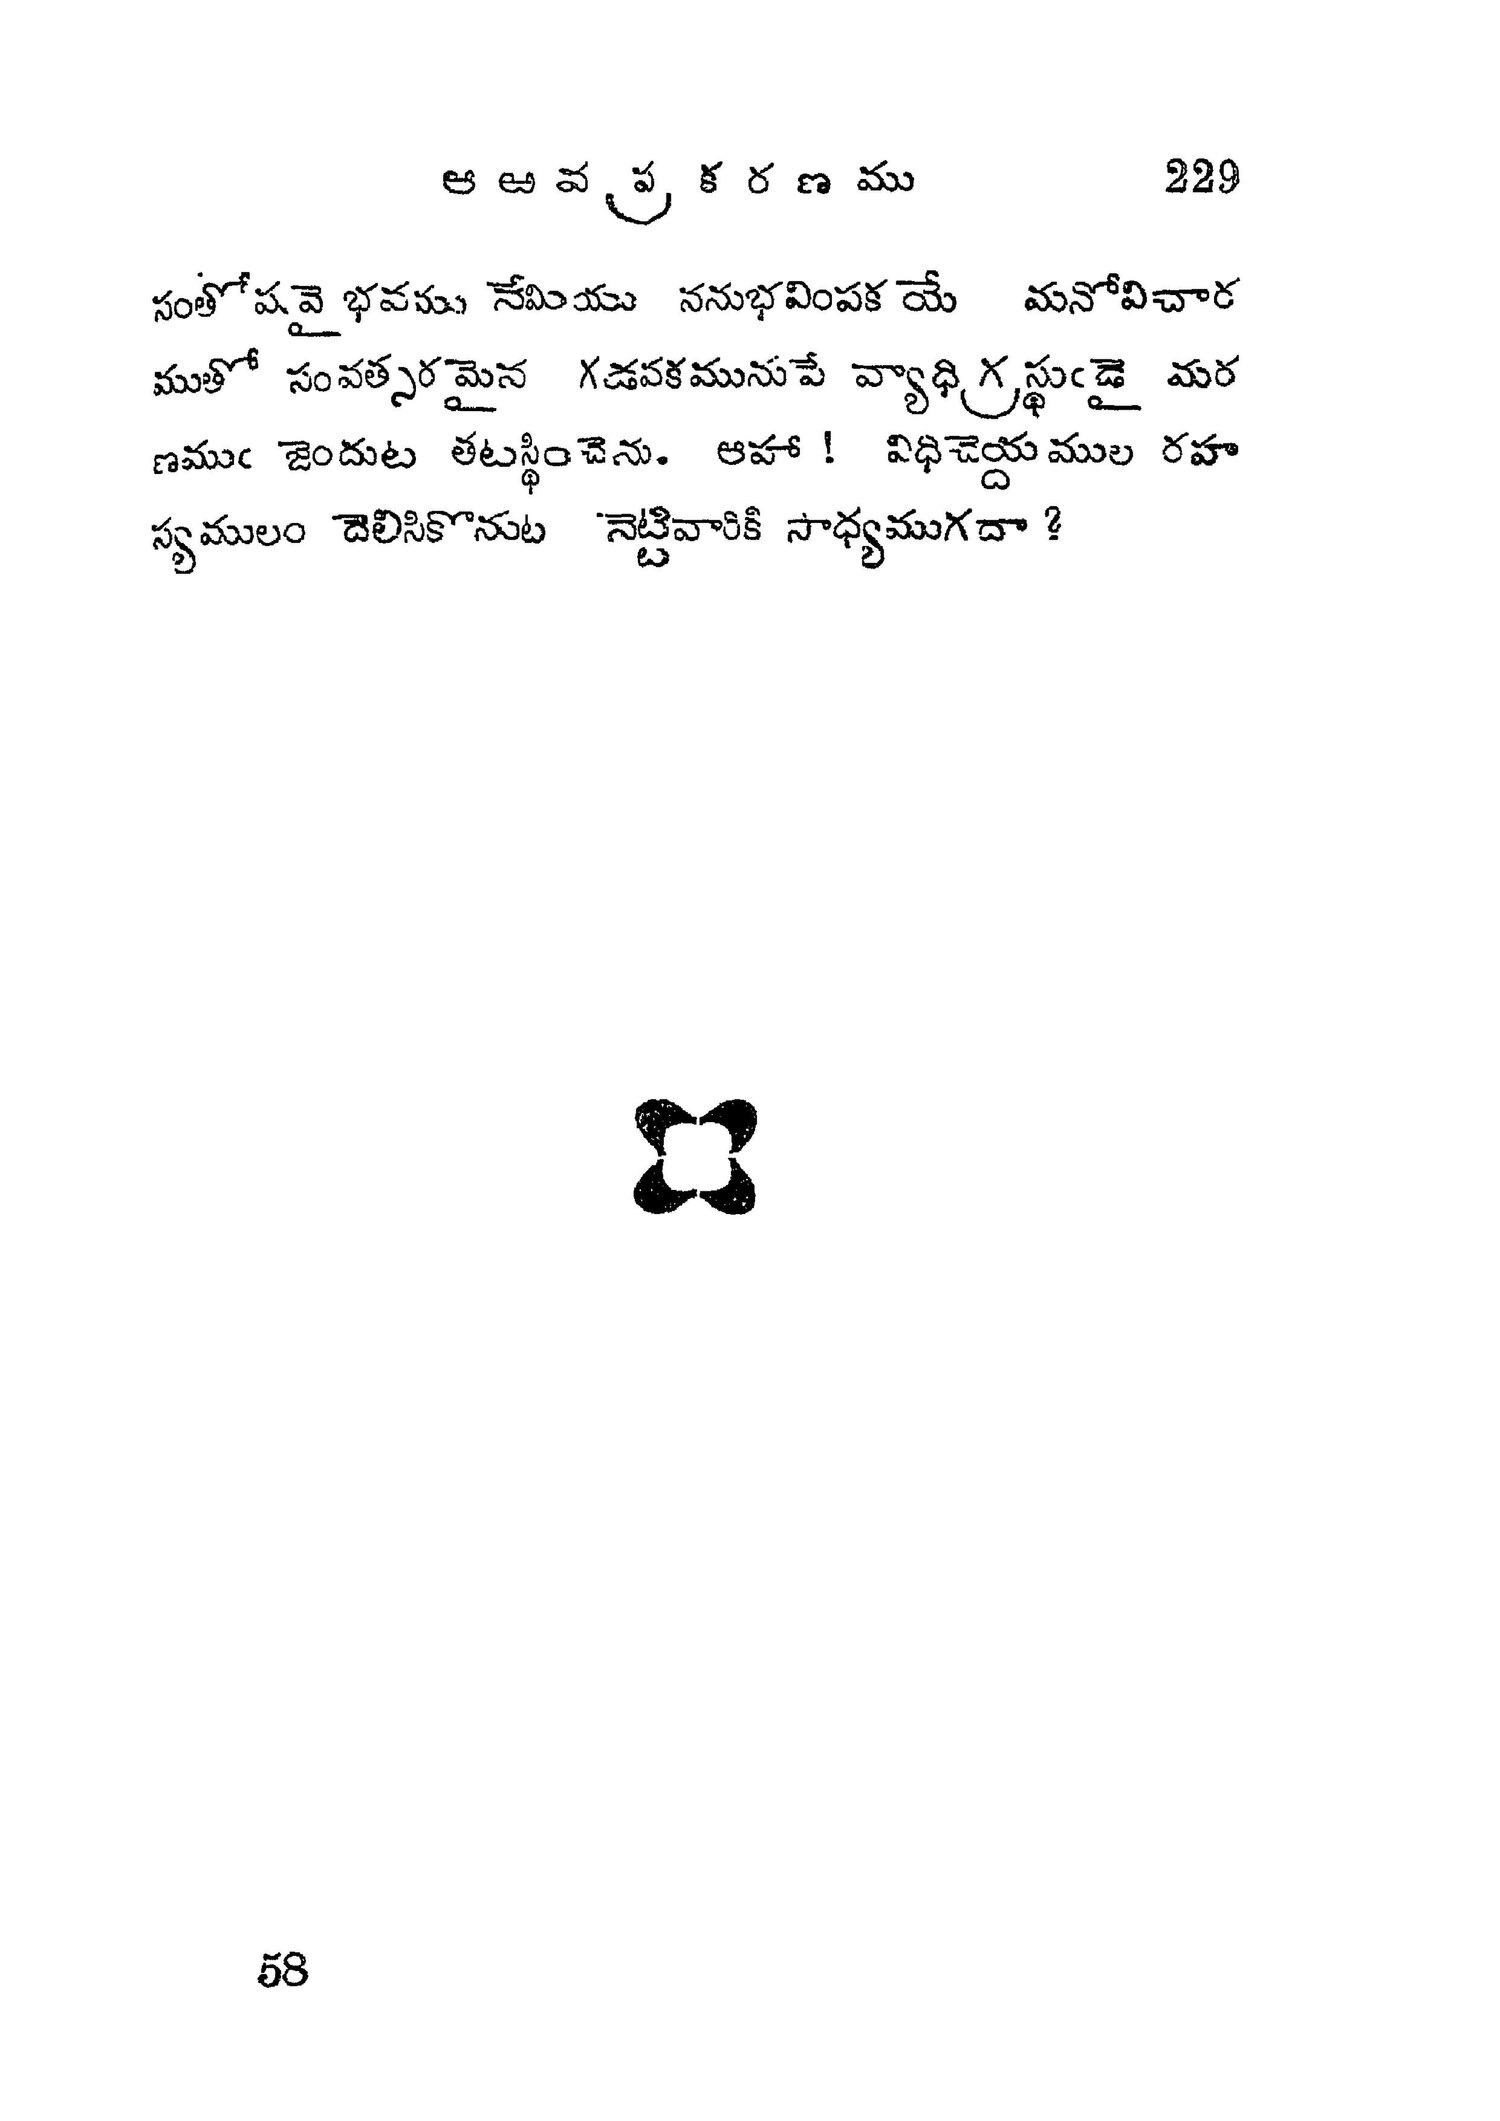సంతోషవైభవము నేమియు ననుభవింపకయే మనోవిచారముతో సంవత్సరమైన గడవకమునుపే వ్యాధిగ్రస్థుడై మరణము జెందుట తటస్థించెను. ఆహా ! విధిచెయ్దముల రహస్యములం దెలిసికొనుట నెట్టివారికి సాధ్యముగదా ?